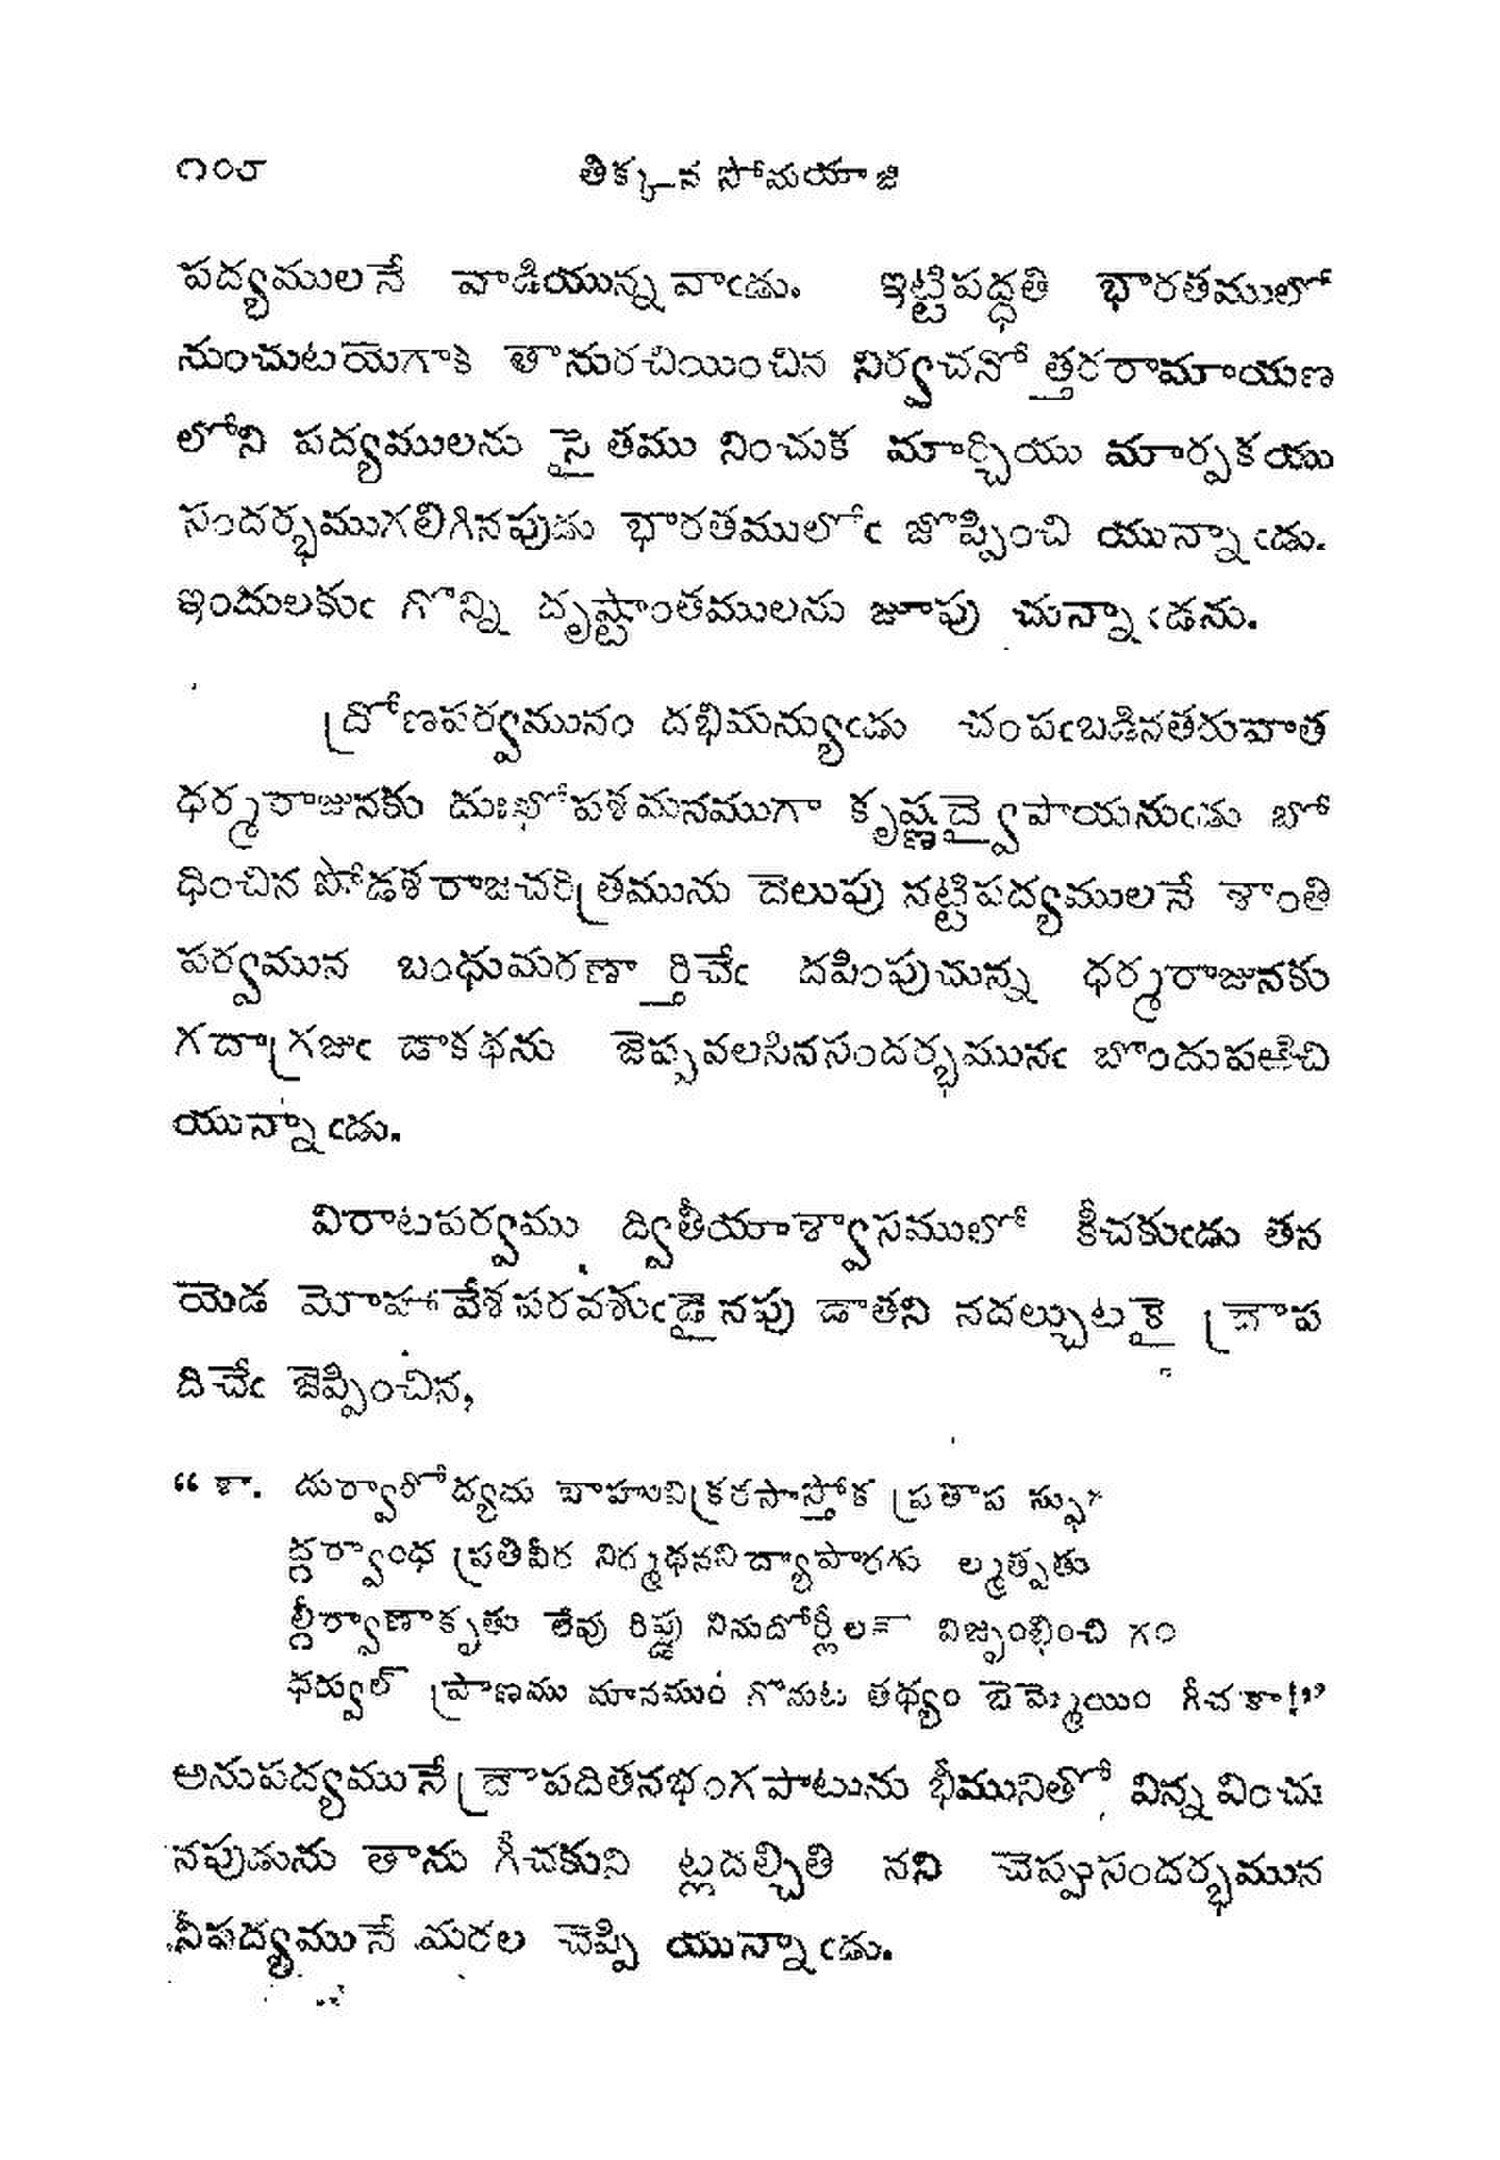పద్యములనే వాడియున్నవాఁడు. ఇట్టిపద్దతి భారతములో నుంచుటయెగాక తానురచియించిన నిర్వచనోత్తరరామాయణలోని పద్యములను సైతము నించుక మార్చియు మార్పకయు సందర్భముగలిగినపుడు భారతములోఁ జొప్పించి యున్నాఁడు. ఇందులకుఁ గొన్ని దృష్టాంతములను జూపు చున్నాఁడను.

ద్రోణపర్వమునం దభిమన్యుఁడు చంపఁబడినతరువాత ధర్మరాజునకు దుఃఖోపశమనముగా కృష్ణద్వైపాయనుఁడు బోధించిన షోడశరాజచరిత్రమును దెలుపు నట్టిపద్యములనే శాంతి పర్వమున బంధుమరణార్తిచేఁ దపింపుచున్న ధర్మరాజునకు గదాగ్రజుఁ డాకథను జెప్పవలసిన సందర్భమునఁ బొందుపఱిచి యున్నాడు.

విరాటపర్వము ద్వితీయాశ్వాసములో కీచకుఁడు తనయెడ మోహావేశపరవశుఁడైనపు డాతని నదల్చుటకై ద్రౌపదిచేఁ జెప్పించిన, 

"శా. దుర్వారోద్యమ బాహువిక్రరసాస్తోక ప్రతాప స్ఫుర 
 ద్గర్వాంధ ప్రతివీర నిర్మథననిద్యాపారగు ల్మత్పతు
 ల్గీర్వాణాకృతు లేవు రిప్డు నినుదోర్లీల౯ విజృంభించి గం 
 ధర్వుల్ ప్రాణము మానముం గొనుట తథ్యం బెమ్మెయిం గీచకా!"! 
అనుపద్యమునే ద్రౌపదితనభంగపాటును భీమునితో విన్నవించు నపుడును తాను గీచకుని ట్లదల్చితి నని చెప్పుసందర్భమున నీపద్యమునే మరల చెప్పి యున్నాఁడు.